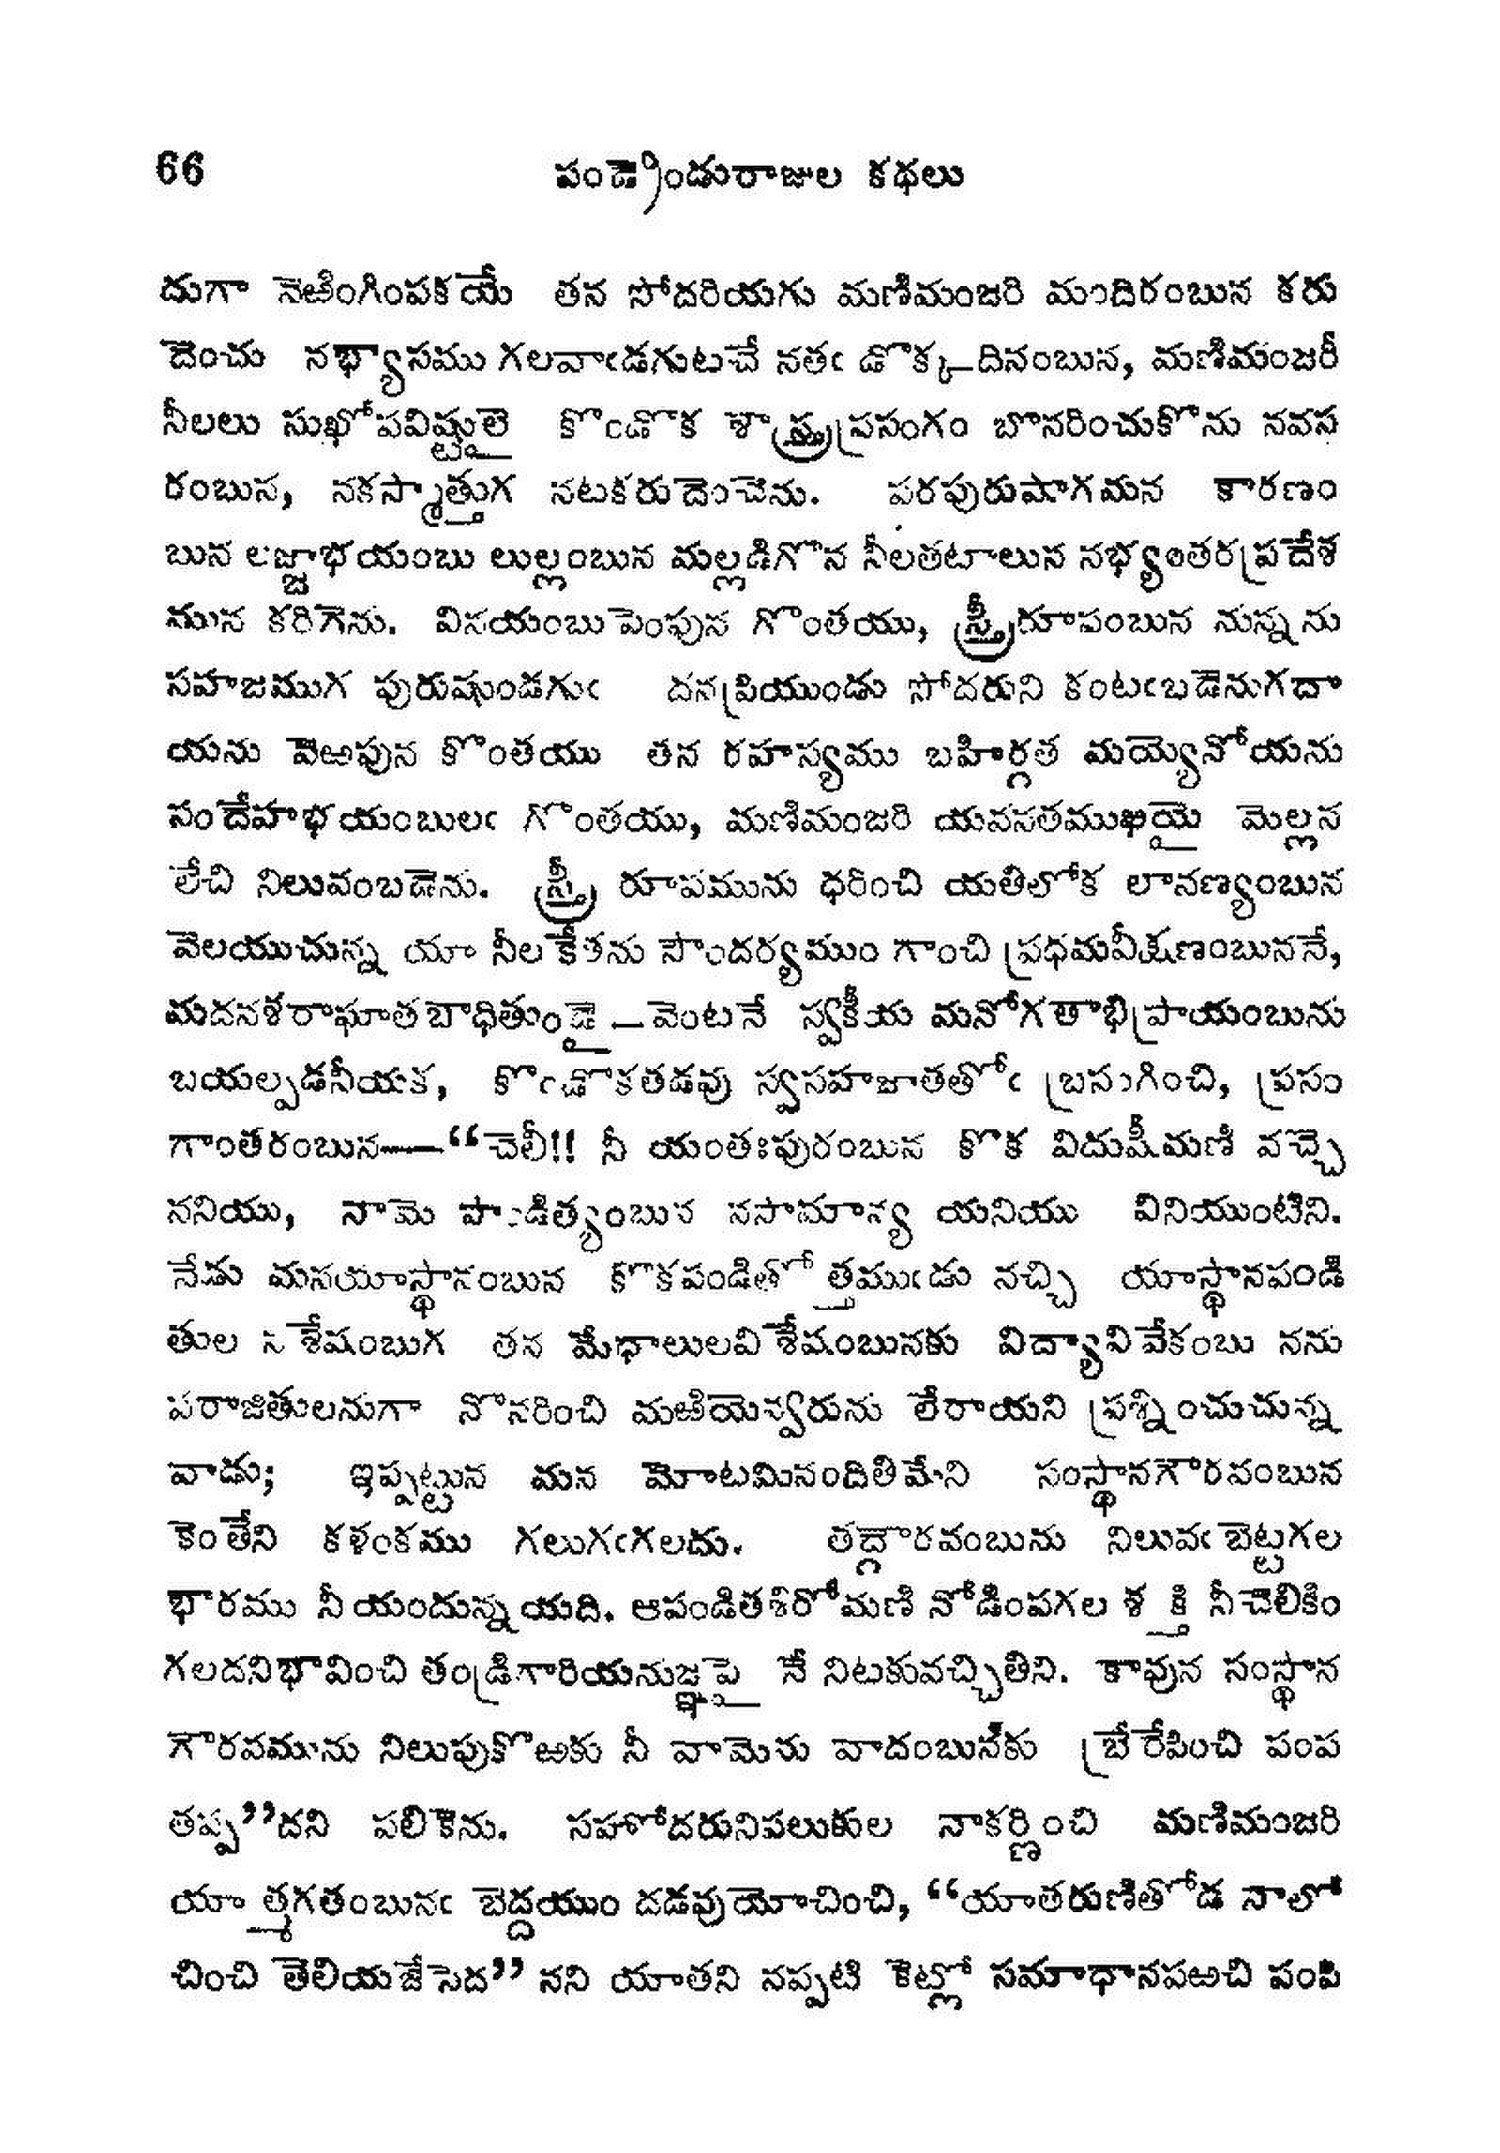దుగా నెఱింగింపకయే తన సోదరియగు మణిమంజరి ముదిరంబున కరుదెంచు నభ్యాసము గలవాఁడగుటచే నతఁ డొక్క దినంబున, మణిమంజరీ నీలలు సుఖోపవిష్టులై కొండొక శాస్త్ర ప్రసంగం బొనరించుకొను నవసరంబుస, నకస్మాత్తుగ నటకరుదెంచెను. పరపురుషాగమన కారణంబున లజ్ఞా భయంబు లుల్లంబున మల్లడిగొన నీలతటాలున నభ్యంతరప్రదేశ
మున కరిగెను. వినయంబు పెంపున గొంతయు, స్త్రీ రూపంబున నున్నను సహజముగ పురుషుండగుఁ దనప్రియుండు సోదరుని కంటఁబడెనుగదా యను వెఱపున కొంతయు తన రహస్యము బహిర్గత మయ్యెనోయను సందేహభయంబులఁ గొంతయు, మణిమంజరి యనసతముఖియై మెల్లన లేచి నిలువంబడెను. స్త్రీ రూపమును ధరించి యతిలోక లావణ్యంబున
వెలయుచున్న యా నీల కేతను సౌందర్యముం గాంచి ప్రధమవీక్షణంబుననే,మదనశరాఘాత బాధితుండై—— వెంటనే స్వకీయ మనోగతాభిప్రాయంబును బయల్పడనీయక, కొండొకతడవు స్వసహజాతతోఁ బ్రసగించి, ప్రసంగాంతరంబున——" చెలీ!! నీ యంతః పురంబున కొక విదుషీమణి వచ్చెననియు, నామె పాండిత్యంబున నసామాన్య యనియు వినియుంటిని. నేడు
మన యాస్థానంబున కొకపండితోత్తముఁడు వచ్చి యాస్థానపండితుల నశేషంబుగ తన మేధాలులవిశేషంబునకు విద్యావివేకంబు నను పరాజితులనుగా నొనరించి మఱియెవ్వరును లేరాయని ప్రశ్నించుచున్నవాడు; ఇప్పట్టున మన మోటమినందితిమేని
సంస్థాన గౌరవంబున కెంతేని కళంకము గలుగఁగలదు. తద్గౌరవంబును నిలువఁబెట్టగల భారము నీయందున్న యది. ఆపండిత శిరోమణి నోడింపగల శక్తి నీ చెలికిం గలదని భావించి తండ్రి గారియనుజ్ఞపై నే నిటకువచ్చితిని. కావున సంస్థాన
గౌరవమును నిలుపుకొఱకు నీ వామెను వాదంబునకు బ్రేరేపించి పంప తప్ప"దని పలికెను. సహోదరునిపలుకుల నాకర్ణించి
మణిమంజరి యాత్మగతంబునఁ బెద్దయుం దడవు యోచించి, “యాతరుణితోడ నాలోచించి తెలియజేసెద" నని యాతని నప్పటి కెట్లో సమాధానపఱచి పంపి